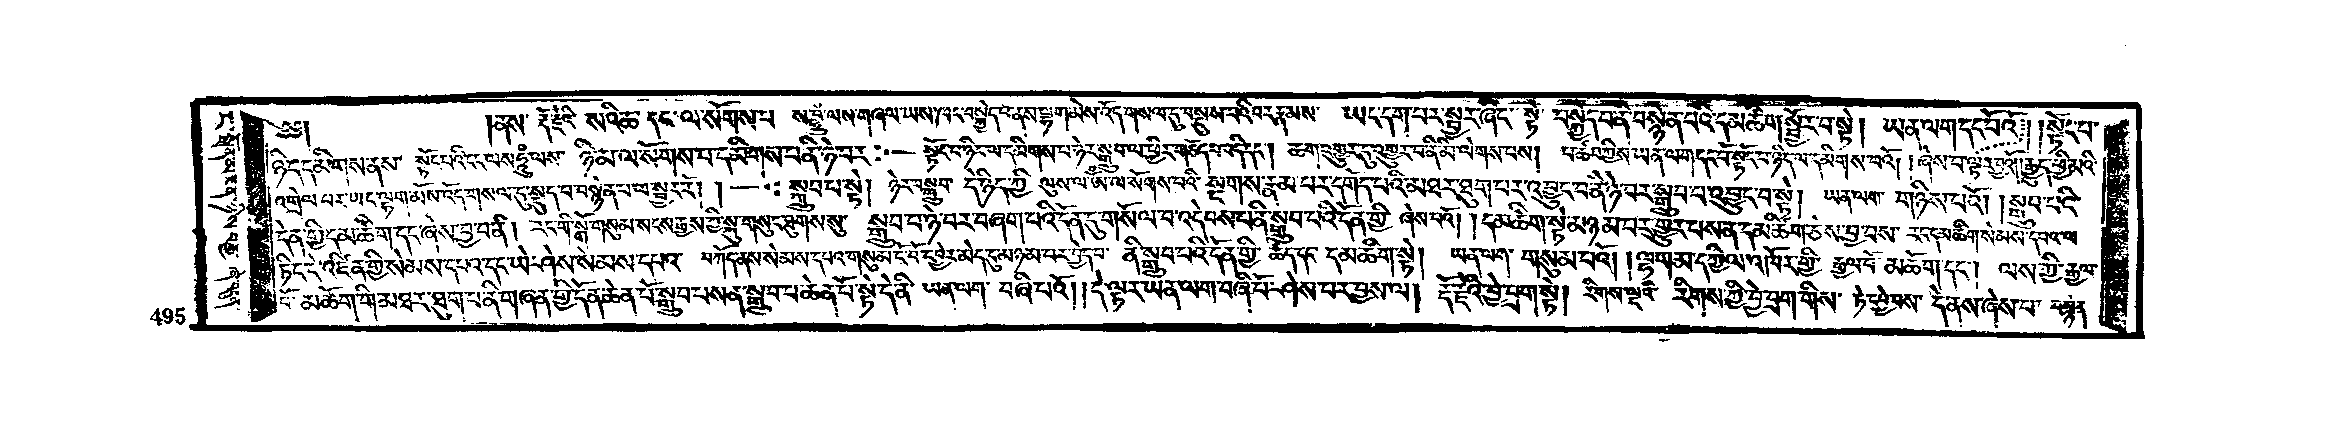༄༅། །ནས་རྡོ་རྗེའི་སའི་ཆ་དང་ལ་སོགས་པས་བྷུཾ་ལས་གཞལ་ཡས་ཁང་བསྐྱེད་པ་ནས་ལྷག་མེས་འོད་གསལ་དུ་བསྡུས་པའི་བར་རྣམས་ཡང་དག་པར་སྦྱར་ཞིང་སྟེ་བསྐྱེད་པ་ནི་བསྙེན་པའི་དམ་ཚིག་སྦྱོར་བ་སྟེ། ཡན་ལག་དང་པོའོ། །སྟོང་པ་
ཉིད་དམིགས་ནས་སྟོང་པའི་ངང་ལས་ཧཱུཾ་ཉི་མ་ལ་སོགས་པ་དམིགས་པ་ནི་ཉེ་བརཿ་སྟོང་པ་ཉིད་ལ་དམིགས་པ་ཉེར་སྒྲུབ་ལ་ཕྱིར་གཅོད་པ་འདི་དང་། ཆག་འགྱུར་དུ་འགྱུར་པ་ནི་མི་ལེགས་པས། པ་ཚབ་ཀྱིས་ཡན་ལག་དང་པོ་སྟོང་པ་ཉིད་ལ་དམིགས་པའོ། །ཞེས་པ་ལྟར་བྱའོ། །རྒྱུད་ཕྱི་མའི་
འགྲེལ་པར་ཡང་ལྷག་མོས་འོད་གསལ་དུ་སྡུད་པ་བསྙེན་པ་ལ་སྦྱར་རོ། ། .H སྒྲུབ་པ་སྟེ། ཉེར་བསྒྲུབ་དེ་ཉིད་ཀྱི་ལུས་ལ་ཨོཾ་ལ་སོགས་པའི་སྔགས་རྣམ་པར་དགོད་པའི་མཐར་ཐུག་པར་འབྱུང་བ་ནི་ཉེ་བར་སྒྲུབ་པ་འབྱུང་བ་སྟེ། ཡན་ལག་གཉིས་པའོ། །སྒྲུབ་པའི་
དེན་གྱི་དམ་ཚིག་དང་ཞེས་བྱ་བ་ནི། རང་གི་སྒོ་གསུམ་སངས་རྒྱས་ཀྱི་སྐུ་གསུང་ཐུགས་སུ་སྒྲུབ་པ་ཉེ་བར་བཞག་པའི་དོན་དུ་གསོལ་བ་འདེབས་པ་ནི་སྒྲུབ་པའི་དོན་གྱི་ཞེས་པའོ། །དམ་ཚིག་སྟེ་མཉམ་པར་གྱུར་པས་ན་དམ་ཚིག་ཅེས་བྱ་བས་རང་དམ་ཚིག་སེམས་དཔའ་ལ
ཏིང་ངེ་འཛིན་གྱི་སེམས་དཔའ་དང་ཡེ་ཤེས་སེམས་དཔའ་བཀོད་ནས་སེམས་དཔའ་གསུམ་ངོ་བོ་དབྱེར་མེད་དུ་མཉམ་པར་བྱེད་པ་ནི་སྒྲུབ་པའི་དོན་གྱི་ཚད་དང་དམ་ཚིག་སྟེ། ཡན་ལག་གསུམ་པའོ། །ལྷག་མ་དཀྱིལ་འཁོར་གྱི་རྒྱལ་པོ་མཆོག་དང་། ལས་ཀྱི་རྒྱལ་
པོ་མཆོག་གི་མཐར་ཐུག་པ་ནི་གཞན་གྱི་དོན་ཆེན་པོ་སྒྲུབ་པས་ན་སྒྲུབ་པ་ཆེན་པོ་སྟེ་དེ་ནི་ཡན་ལག་བཞི་པའོ། །དེ་ལྟར་ཡན་ལག་བཞི་པོ་ཤེས་པར་བྱས་ལ། རྡོ་རྗེའི་བྱེ་བྲག་སྟེ། རིགས་ལྔའི་རིགས་ཀྱི་བྱེ་བྲག་གིས་ཏེ་དབྱེ་བས་དེ་ནས་ཞེས་པ་བསྙེན་